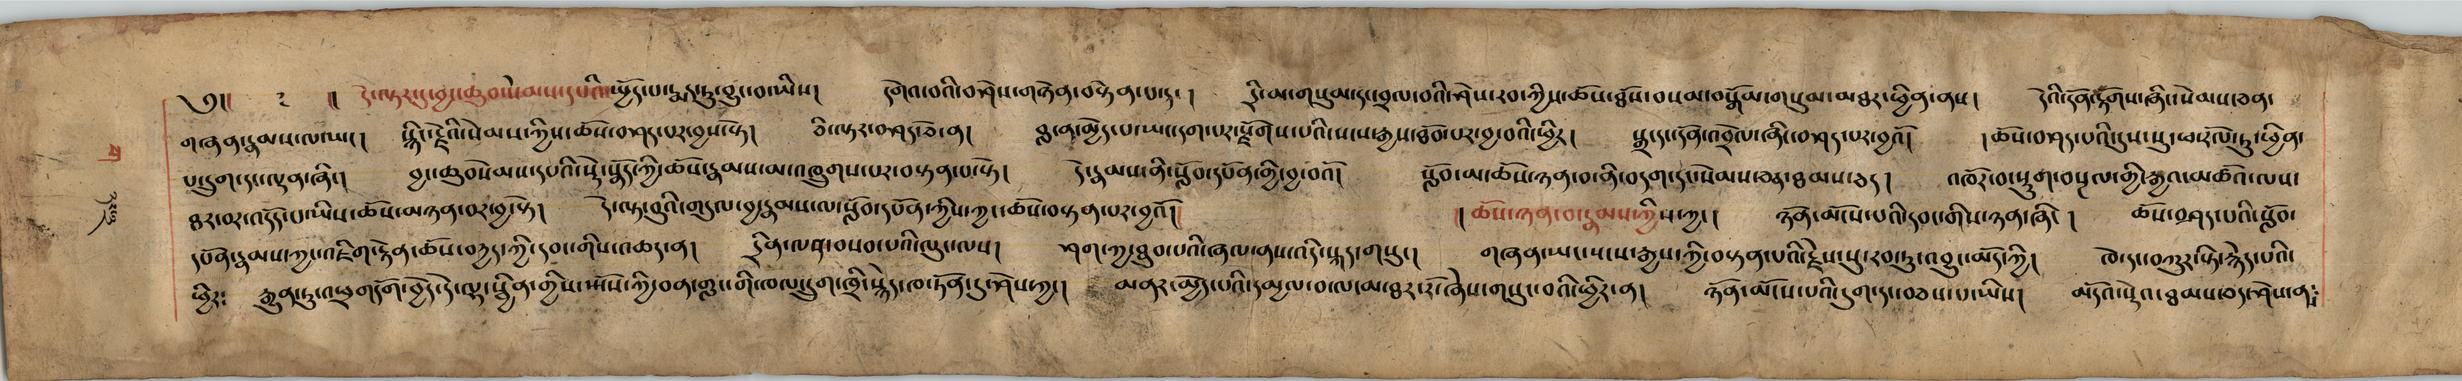༅།། །། དེ་ལྟར་དུ་བྱང་ཆུབ་སེམས་དཔའི་སྤྱོད་པ་རྨད་ཏུ་བྱུང་བ་ཡིས། དགེའ་བའི་བཤེས་གཉེན་བསྟེན་པ་དང ། དྲི་མ་གསུམ་དང་བྲལ་བའི་ཤེས་རབ་ཀྱིས་ཆོས་ཐོས་བསམ་བསྒོམ་གསུམ་མཐར་ཕྱིན་ནས། དེའི་དོན་རྟོགས་ཞིང་སེམས་ཅན་
གཞན་རྣམས་ལ་ཡང། སྙིང་རྗེའི་སེམས་ཀྱིས་ཆོས་བཤད་པར་བྱས་སྟེ། ཅི་ལྟར་བཤད་ཅེ་ན། བླ་ན་མྱེད་པ་ཡང་དག་པར་སྫོགས་པའི་སངས་རྒྱས་ཐོབ་པར་བྱ་བའི་ཕྱིར། སྒྲ་དང་དོན་འབྲེལ་ཞིང་བཤད་པར་བྱའོ། །ཆོས་བཤད་པའི་དུས་སུ་ཕ་རོལ་ཏུ་ཕྱིན་
པ་དྲུག་དང་ལྡན་ཞིང། བྱང་ཆུབ་སེམས་དཔའི་སྡེ་སྣོད་ཀྱི་ཆོས་རྣམས་མ་འཁྲུགས་པར་བསྟན་པ་སྟེ། དེ་རྣམས་ནི་སློབ་དཔོན་གྱི་བྱ་བའོ། སློབ་མ་ཆོས་ཉན་བ་ནི་བདག་དང་སེམས་ཅན་ཐམས་ཅད། འཁཽར་བ་སྡུག་བསྔལ་གྱི་རྒྱའ་མཚོའ་ལས་
ཐར་བར་འདོད་པ་ཡིས་ཆོས་མཉན་བར་བྱ་སྟེ། དེ་ལྟ་བུའི་གདུལ་བྱ་རྣམས་ལ་སློབ་དཔོན་ཀྱིས་ཀྱང་ཆོས་བསྟན་པར་བྱའོ།། །།ཆོས་ཉན་བ་རྣམས་ཀྱིས་ཀྱང། ཉོན་མོངས་པའི་དབང་གིས་ཉན་ཞིང ། ཆོས་བཤད་པའི་སློབ་
དཔོན་རྣམས་ཀྱང་འཇིག་རྟེན་ཆོས་བརྱད་ཀྱི་དབང་གིས་འཆད་ན། དྲིན་ལན་བསབ་པའི་ལུང་ལས། ཤག་ཀྱ་ཐུབ་པའི་ཞལ་ནས་འདི་སྐད་གསུང། གཞན་ཡང་སངས་རྒྱས་ཀྱི་བསྟན་པའི་རྗེས་སུ་རབ་ཏུ་འབྱུང་མོད་ཀྱི། ཁེ་དང་བཀུར་སྟི་རྙེད་པའི་
ཕྱིར༴ རྒྱུན་ཏུ་འཕྲགདོག་བྱེད་དེ་ལྷ་སྦྱིན་གྱིས་ཡོས་ཀྱི་བན་གླང་གི་ཁལ་དྲུག་ཁྲི་སྙེད་ཁ ཏོན་དུ་ཤེས་ཀྱང། མནར་མྱེད་པའི་དམྱལ་བ་ལ་མ་ཐར་རོ་ཞེས་གསུང་བའི་ཕྱིར་ན། ཉོན་མོངས་པའི་དུག་དང་བཅས་པ་ཡིས། མདོའ་སྡེའ་ཐམས་ཅད་ཤེས་ན༴